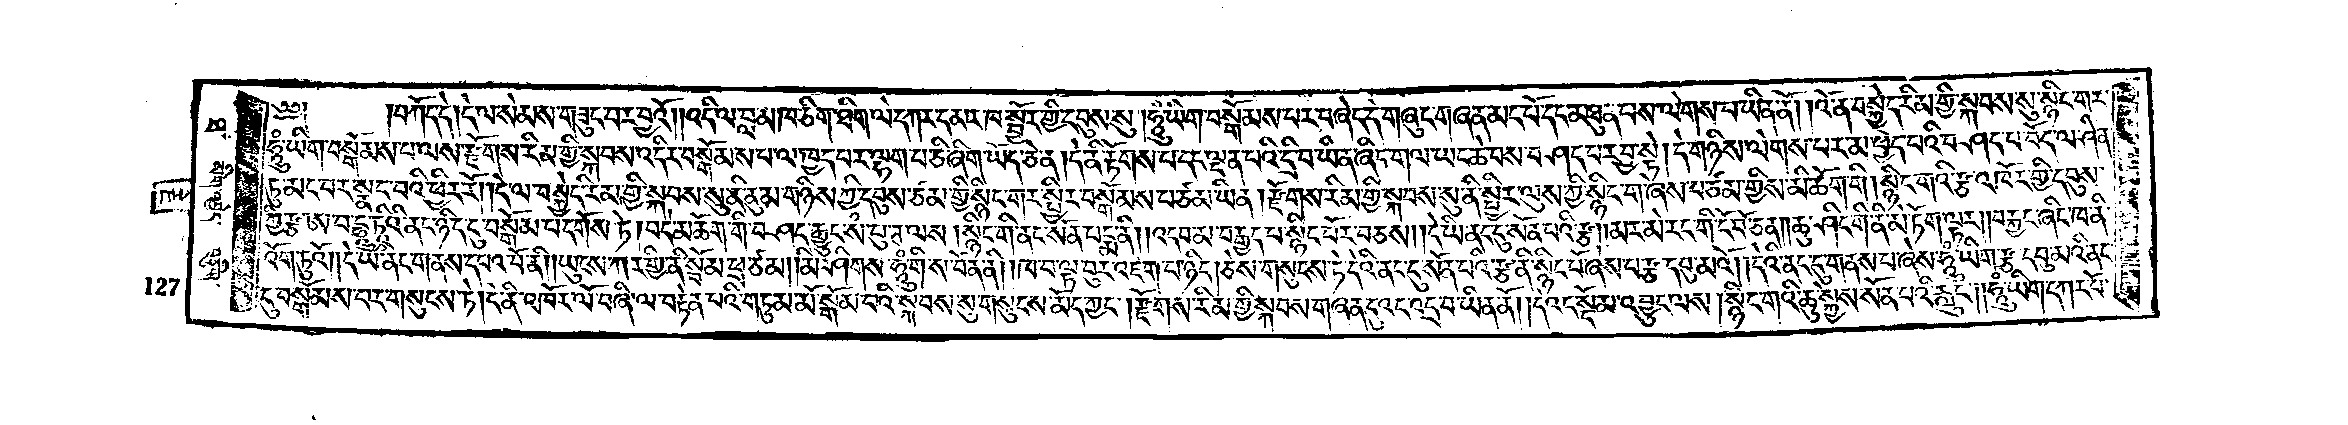༄༅། །བཀོད་དེ། དེ་ལ་སེམས་གཟུང་བར་བྱའོ། །འདི་ལ་བླ་མ་ཁ་ཅིག་ཐིག་ལེ་དཀར་དམར་ཁ་སྦྱོར་གྱི་དབུས་སུ། ཧཱུཾ་ཡིག་བསྒོམས་པར་བཞེད་དེ་གཞུང་གཞན་མང་པོ་དང་མཐུན་པས་ལེགས་པ་ཡིན་ནོ། །འོ་ན་བསྐྱེད་རིམ་གྱི་སྐབས་སུ་སྙིང་གར་
ཧཱུཾ་ཡིག་བསྒོམས་པ་ལས་རྫོགས་རིམ་གྱི་སྐབས་འདིར་བསྒོམས་པ་ལ་ཁྱད་པར་ལྷག་པ་ཅི་ཞིག་ཡོད་ཅེ་ན། དེ་ནི་རྟོགས་པ་དང་ལྡན་པའི་དྲི་བ་ཡིན་ཞིང་གལ་ཡང་ཆེ་བས་བཤད་པར་བྱ་སྟེ། དེ་གཉིས་ལེགས་པར་མ་ཕྱེད་པའི་བཤད་པ་བོད་ལ་ཤིན་
ཏུ་མང་བར་སྣང་བའི་ཕྱིར་རོ། །དེ་ལ་བསྐྱེད་རིམ་གྱི་སྐབས་སུ་ནི་ནུ་མ་གཉིས་ཀྱི་དབུས་ཙམ་གྱི་སྙིང་གར་སྤྱིར་བསྒོམས་པ་ཙམ་ཡིན། རྫོགས་རིམ་གྱི་སྐབས་སུ་ནི་སྤྱིར་ལུས་ཀྱི་སྙིང་ག་ཞེས་པ་ཙམ་གྱིས་མི་ཆོག་གི །སྙིང་གའི་རྩ་འཁོར་གྱི་དབུས་
ཀྱི་རྩ་ཨ་བ་དྷཱུ་ཏཱིའི་ནང་ཉིད་དུ་བསྒོམ་པ་དགོས་ཏེ། བདེ་མཆོག་གི་བཤད་རྒྱུད་སཾ་པུ་ཊ་ལས། སྙིང་གི་ནང་སོན་པདམ་ནི། །འདབ་མ་བརྒྱད་པ་སྙིང་པོར་བཅས། །དེ་ཡི་ནང་དུ་སོན་པའི་རྩ། །མར་མེ་རང་གི་ངོ་བོ་ཅན། །ཆུ་ཤིང་གི་ནི་མེ་ཏོག་ལྟར། །བརྐྱང་ཞིང་ཁ་ནི་
འོག་ཏུའོ། །དེ་ཡི་ནང་གནས་དཔའ་བོ་ནི། །ཡུངས་ཀར་གྱི་ནི་སྦོམ་ཕྲ་ཙམ། །མི་ཤིགས་ཧཱུཾ་གི་ས་བོན་ནི། །ཁ་བ་ལྟ་བུར་འཛག་པ་ཉིད། ཅེས་གསུངས་ཏེ་དེའི་ནང་དུ་སོན་པའི་རྩ་ནི་སྙིང་པོ་ཞེས་པ་རྩ་དབུ་མའོ། །དེའི་ནང་དུ་གནས་པ་ཞེས་ཧཱུཾ་ཡིག་རྩ་དབུ་མའི་ནང་
དུ་བསྒོམས་པར་གསུངས་ཏེ། དེ་མི་འཁོར་ལོ་བཞི་ལ་བརྟེན་པའི་གཏུམ་མོ་སྒོམ་པའི་སྐབས་སུ་གསུངས་མོད་ཀྱང་། རྫོགས་རིམ་གྱི་སྐབས་གཞན་དུའང་འདྲ་བ་ཡིན་ནོ། །དེའང་སྡོམ་འབྱུང་ལས། སྙིང་གའི་ཆུ་སྐྱེས་སོན་པའི་རླུང་། །ཧཱུཾ་ཡིག་དཀར་པོ་